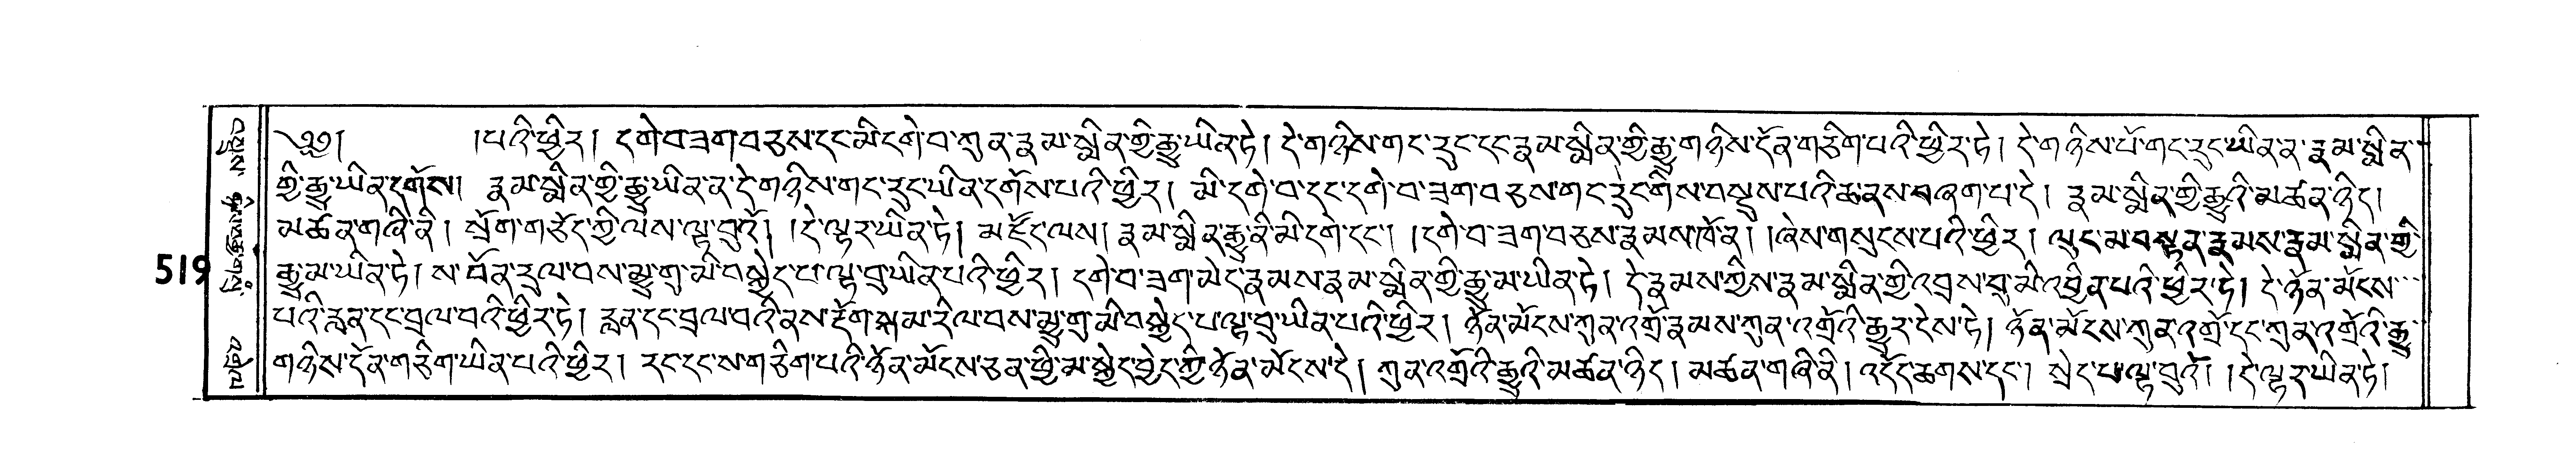༄༅། །པའི་ཕྱིར། དགེ་བ་ཟག་བཅས་དང་མི་དགེ་བ་ཀུན་རྣམ་སྨིན་གྱི་རྒྱུ་ཡིན་ཏེ། དེ་གཉིས་གང་རུང་དང་རྣམ་སྨིན་གྱི་རྒྱུ་གཉིས་དོན་གཅིག་པའི་ཕྱིར་ཏེ། དེ་གཉིས་པོ་གང་རུང་ཡིན་ན་རྣམ་སྨིན་
གྱི་རྒྱུ་ཡིན་དགོས། རྣམ་སྨིན་གྱི་རྒྱུ་ཡིན་ན་དེ་གཉིས་གང་རུང་ཡིན་དགོས་པའི་ཕྱིར། མི་དགེ་བ་དང་དགེ་བ་ཟག་བཅས་གང་རུང་གིས་བསྡུས་པའི་ཆ་ནས་བཞག་པ་དེ། རྣམ་སྨིན་གྱི་རྒྱུའི་མཚན་ཉིད།
མཚན་གཞི་ནི། སྲོག་གཅོད་ཀྱི་ལས་ལྟ་བུའོ། །དེ་ལྟར་ཡིན་ཏེ། མཛོད་ལས། རྣམ་སྨིན་རྒྱུ་ནི་མི་དགེ་དང་། །དགེ་བ་ཟག་བཅས་རྣམས་ཁོ་ན། །ཞེས་གསུངས་པའི་ཕྱིར། ལུང་མ་བསྟན་རྣམས་རྣམ་སྨིན་གྱི་
རྒྱུ་མ་ཡིན་ཏེ། ས་བོན་རུལ་བས་མྱུ་གུ་མི་བསྐྱེད་པ་ལྟ་བུ་ཡིན་པའི་ཕྱིར། དགེ་བ་ཟག་མེད་རྣམས་རྣམ་སྨིན་གྱི་རྒྱུ་མ་ཡིན་ཏེ། དེ་རྣམས་ཀྱིས་རྣམ་སྨིན་གྱི་འབྲས་བུ་མི་འབྱིན་པའི་ཕྱིར་ཏེ། དེ་ཉོན་མོངས་
པའི་རླན་དང་བྲལ་བའི་ཕྱིར་ཏེ། རླན་དང་བྲལ་བའི་ནས་རྡོག་སྐམ་རིལ་བས་མྱུ་གུ་མི་བསྐྱེད་པ་ལྟ་བུ་ཡིན་པའི་ཕྱིར། ཉོན་མོངས་ཀུན་འགྲོ་རྣམས་ཀུན་འགྲོའི་རྒྱུར་ངེས་ཏེ། ཉོན་མོངས་ཀུན་འགྲོ་དང་ཀུན་འགྲོའི་རྒྱུ་
གཉིས་དོན་གཅིག་ཡིན་པའི་ཕྱིར། རང་དང་ས་གཅིག་པའི་ཉོན་མོངས་ཅན་ཕྱི་མ་སྐྱེད་བྱེད་ཀྱི་ཉོན་མོངས་དེ། ཀུན་འགྲོའི་རྒྱུའི་མཚན་ཉིད། མཚན་གཞི་ནི། འདོད་ཆགས་དང་། སྲེད་པ་ལྟ་བུའོ། །དེ་ལྟར་ཡིན་ཏེ།